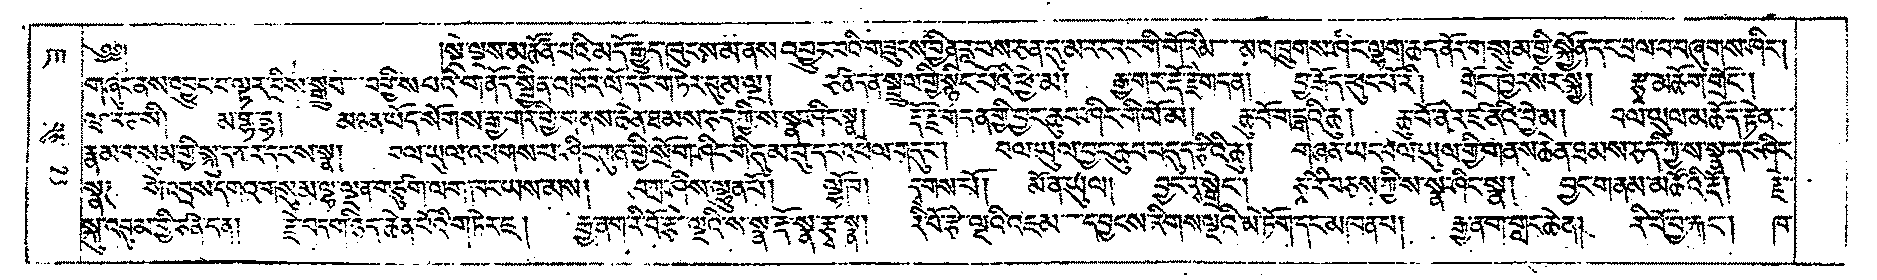༄༅། །སྡེ་ལྔས་མཚོན་པའི་མདོ་རྒྱུད་ཁུངས་མ་ནས་འབྱུང་བའི་གཟུངས་བྱིན་རླབས་ཅན་དུ་མ་རང་རང་གི་གོ་རིམ་མ་འཁྲུགས་ཤིང་ལྷག་ཆད་ནོར་གསུམ་གྱི་སྐྱོན་དང་བྲལ་བ་བཞུགས་ཤིང་།
གཞུང་ནས་འབྱུང་བ་ལྟར་བྲིས་སྒྲུབ་བགྱིས་པའི་གནོད་སྦྱིན་འཁོར་ལོ་དང་གཏེར་བུམ་ལྔ། ཙན་དན་སྤྲུལ་གྱི་སྙིང་པོའི་ཕྱེ་མ། རྒྱ་གར་རྡོ་རྗེ་གདན། བྱ་རྒོད་ཕུང་པོ་རི། གྲོང་ཁྱེར་སེར་སྐྱ། རྩྭ་མཆོག་གྲོང་།
ཝ་ར་ཎ་སི། མ་གྷ་དྷ། མཉན་ཡོད་སོགས་རྒྱ་གར་གྱི་གནས་ཆེན་ཐམས་ཅད་ཀྱི་ས་སྣ་ཤིང་སྣ། རྡོ་རྗེ་གདན་གྱི་བྱང་ཆུབ་ཤིང་གི་ལོ་མ། ཆུ་བོ་གངྒའི་ཆུ། ཆུ་བོ་ནེ་ར་ཛ་ནའི་བྱེ་མ། བལ་ཡུལ་མཆོད་རྟེན་
རྣམ་གསུམ་གྱི་སྐུ་དཀར་དང་ས་སྣ། བལ་ཡུལ་འཕགས་པ་ཤིང་ཀུན་གྱི་སྲོག་ཤིང་གི་དུམ་བུ་དང་འཕེལ་གདུང་། བལ་ཡུལ་བྱང་ཆུབ་བདུད་རྩིའི་ཆུ། གཞན་ཡང་བལ་ཡུལ་གྱི་གནས་ཆེན་ཐམས་ཅད་ཀྱི་ས་སྣ་དང་ཤིང་
སྣ༑ སེ་འབྲས་དགའ་གསུམ་ལྷ་ལྡན་གཙུག་ལག་ཁང་ཡས་མས། བཀྲ་ཤིས་ལྷུན་པོ། ལྷོ་ཁ། དྭགས་པོ། མོན་ཡུལ། བྱང་རྭ་སྒྲེང་། ཙཱ་རི་བཅས་ཀྱི་ས་སྣ་ཤིང་སྣ། བྱང་གནམ་མཚོའི་རྡོ། རྗེ་
སྐུ་འབུམ་གྱི་ཙན་དན། རྗེ་བདག་ཉིད་ཆེན་པོའི་གཏེར་ཇ། རྒྱ་ནག་རི་བོ་རྩེ་ལྔའི་ས་སྣ་རྡོ་སྣ་རྩྭ་སྣ། རི་བོ་རྩེ་ལྔའི་འཇམ་དབྱངས་རིགས་ལྔའི་མེ་ཏོག་དང་མཁན་པ། རྒྱ་ནག་གླང་ཆེན། རི་བོ་བྱ་རྐང་། ཁ་